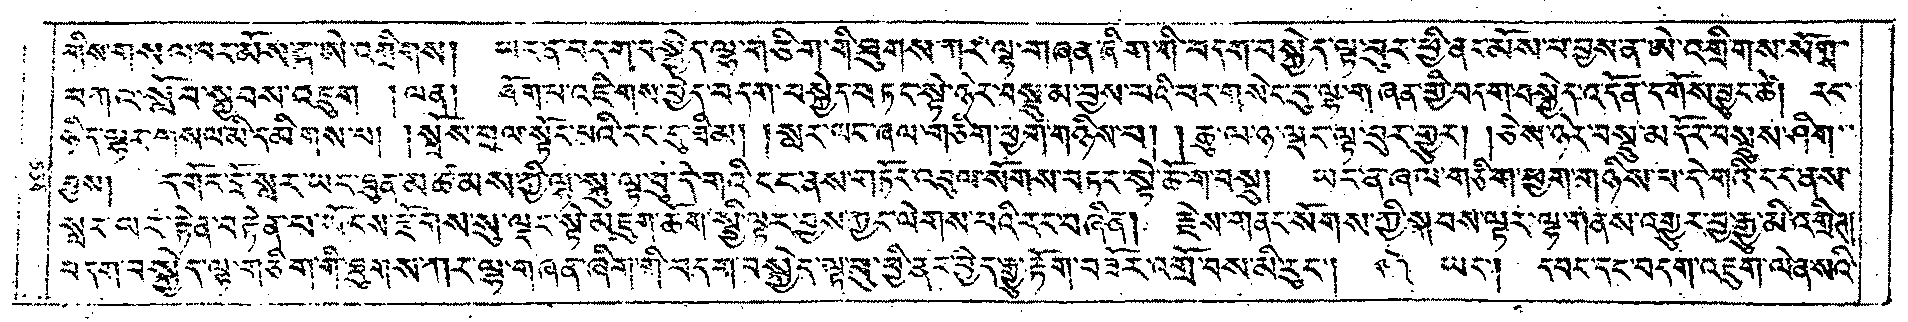གིས་གསལ་བར་མོས་ན་ཨེ་འགྲིགས། ཡང་ན་བདག་བསྐྱེད་ལྷ་གཅིག་གི་ཐུགས་ཀར་ལྷ་གཞན་ཞིག་གི་བདག་བསྐྱེད་ལྟ་བུར་ཕྱི་ནང་མོས་པ་བྱས་ན་ཨེ་འགྲིགས་སོགས་
བཀའ་སློབ་སྐྱབས་འཇུག །ལན། ཞོག་པ་འཇིགས་བྱེད་བདག་བསྐྱེད་བཏང་སྟེ་ཉེར་བསྡུ་མ་བྱས་པའི་བར་གསེང་དུ་ལྷ་གཞན་གྱི་བདག་བསྐྱེད་འདོན་དགོས་བྱུང་ཚེ། རང་
ཉིད་ལྷར་གསལ་མི་དམིགས་པ། །སྤྲོས་བྲལ་སྟོང་པའི་ངང་དུ་ཐིམ། །སླར་ཡང་ཞལ་གཅིག་ཕྱག་གཉིས་པ། །ཆུ་ལ་ཉ་ལྡང་ལྟ་བུར་གྱུར། །ཅེས་ཉེར་བསྡུ་མདོར་བསྡུས་ཤིག་
བྱས། དགོང་དྲོ་སླར་ཡང་ཐུན་མཚམས་ཀྱི་ལྷ་སྐུ་ལྟ་བུ་དེ་གའི་ངང་ནས་གཏོར་འབུལ་སོགས་བཏང་སྟེ་ཆོ་ག་བསྡུ། ཡང་ན་ཞལ་གཅིག་ཕྱག་གཉིས་པ་དེ་གའི་ངང་ནས་
སླར་ཡང་རྟེན་བརྟེན་པ་ཡོངས་རྫོགས་སུ་ལྡང་སྟེ་མཇུག་ཆོག་སྤྱི་ལྟར་བྱས་ཀྱང་ལེགས་པའི་རང་བཞིན། རྗེས་གནང་སོགས་ཀྱི་སྐབས་ལྟར་ལྷ་གནས་འགྱུར་བྱ་རྒྱུ་མི་འགྲིགས།
བདག་བསྐྱེད་ལྷ་གཅིག་གི་ཐུགས་ཀར་ལྷ་གཞན་ཞིག་གི་བདག་བསྐྱེད་ལྟ་བུ་ཕྱི་ནང་བྱེད་རྒྱུ་རྟོག་བཟོར་འགྲོ་བས་མི་རུང་། ༤?་ཡང་། དབང་དང་བདག་འཇུག་ལེན་སའི་